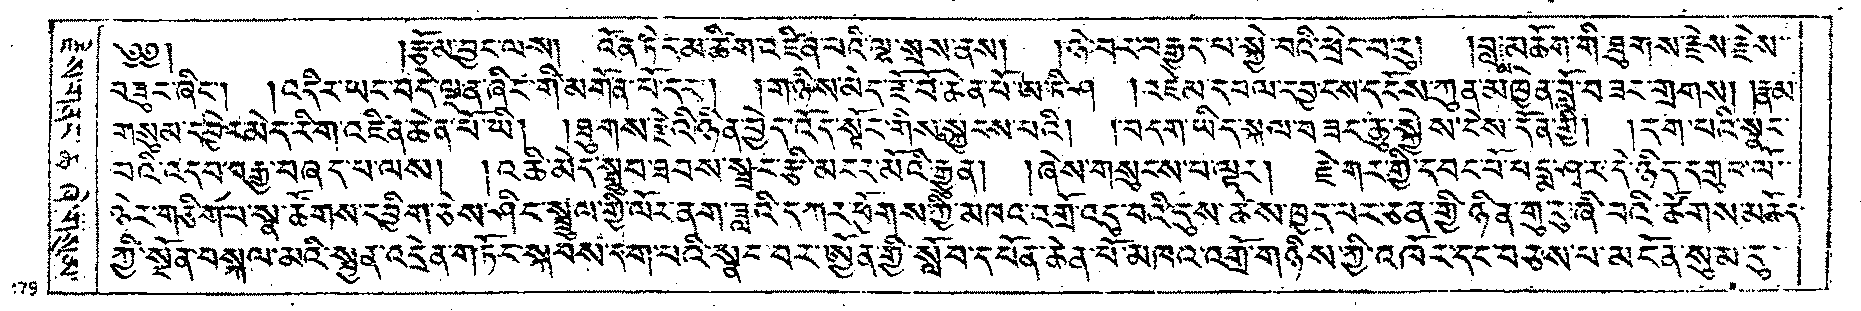༄༅། །རྩོམ་བྱང་ལས། འོན་ཏེ་དམ་ཚིག་འཛིན་པའི་ལྷ་སྲས་ནས། །ཉེ་བར་བརྒྱུད་པ་སྐྱེ་བའི་ཕྲེང་བ་རུ། །བླ་མ་མཆོག་གི་ཐུགས་རྗེས་རྗེས་
བཟུང་ཞིང་། །འདིར་ཡང་བདེ་ལྡན་ཞིང་གི་མགོན་པོ་དང་། །གཉིས་མེད་ཇོ་བོ་ཆེན་པོ་ཨ་ཏི་ཤ་།འཇམ་དཔལ་དབྱངས་དངོས་ཀུན་མཁྱེན་བློ་བཟང་གྲགས། །རྣམ་
གསུམ་དབྱེར་མེད་རིག་འཛིན་ཆེན་པོ་ཡི། །ཐུགས་རྗེའི་ཉིན་བྱེད་འོད་སྟོང་གིས་བསྐྱངས་པའི། །བདག་ཡིད་སྐལ་བཟང་ཆུ་སྐྱེས་ངེས་དོན་གྱི། །དག་པའི་སྣང་
བའི་འདབ་བརྒྱ་བཞད་པ་ལས། །འཆི་མེད་སྒྲུབ་ཐབས་སྦྲང་རྩི་མངར་མོའི་རྒྱུན། །ཞེས་གསུངས་པ་ལྟར། རྗེ་གར་གྱི་དབང་པོ་པདམ་ཤྭ་ར་དེ་ཉིད་དགུང་ལོ་
ཉེར་གཅིག་པ་སྣ་ཚོགས་དབྱིག་ཅེས་ཤིང་སྦྲུལ་གྱི་ལོར་ནག་ཟླའི་དཀར་ཕྱོགས་ཀྱི་མཁའ་འགྲོ་འདུ་བའི་དུས་ཚེས་ཁྱད་པར་ཅན་གྱི་ཉིན་གུ་རུ་ཞི་བའི་ཚོགས་མཆོད་
ཀྱི་སྔོན་བསྐལ་མའི་སྤྱན་འདྲེན་གཏོང་སྐབས་དག་པའི་སྣང་བར་ཨཡོན་གྱི་སློབ་དཔོན་ཆེན་པོ་མཁའ་འགྲོ་གཉིས་ཀྱི་འཁོར་དང་བཅས་པ་མངོན་སུམ་དུ་